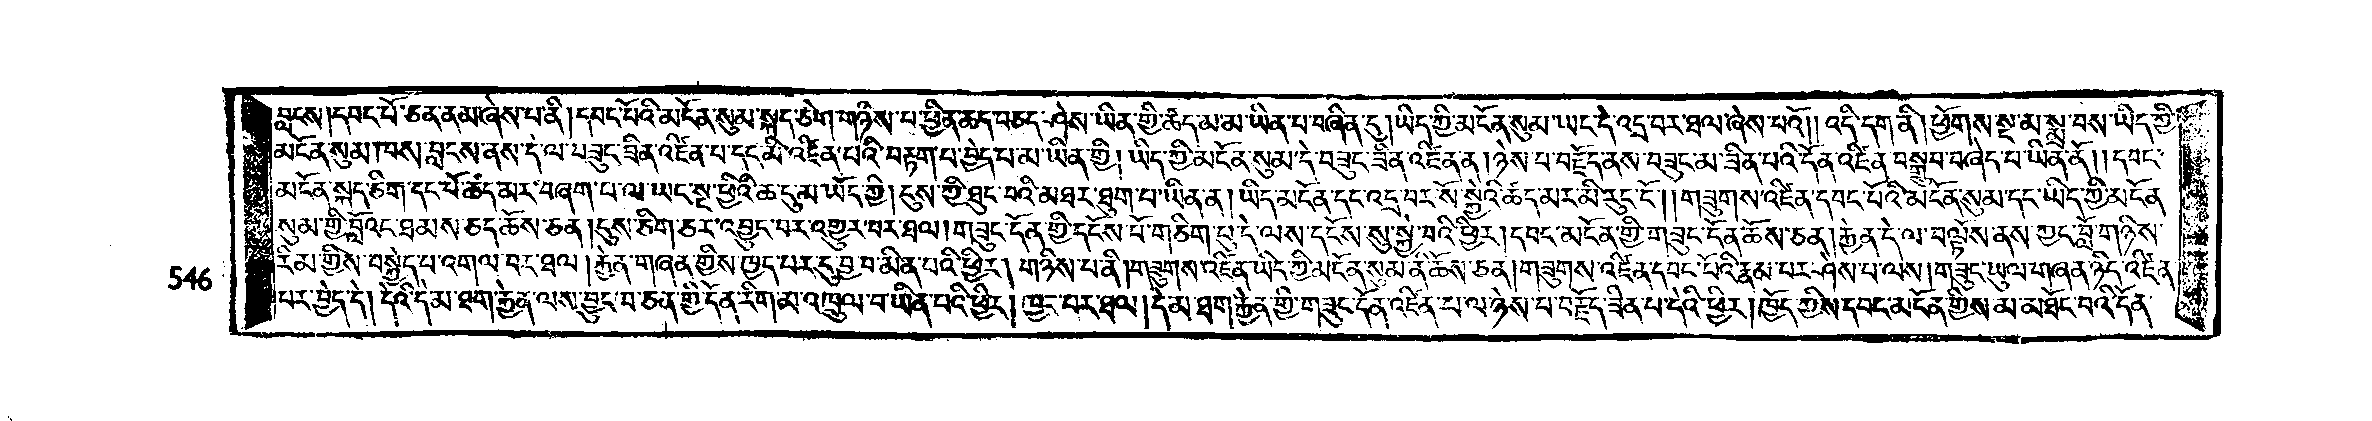བླངས། དབང་པོ་ཅན་ནམ་ཞེས་པ་ནི། དབང་པོའི་མངོན་སུམ་སྐད་ཅིག་གཉིས་པ་ཕྱིན་ཆད་བཅད་ཤེས་ཡིན་གྱི་ཚད་མ་མ་ཡིན་པ་བཞིན་དུ། ཡིད་ཀྱི་མངོན་སུམ་ཡང་དེ་འདྲ་བར་ཐལ་ཞེས་པའོ། །འདི་དག་ནི། ཕྱོགས་སྔ་མ་སྨྲ་བས་ཡིད་ཀྱི་
མངོན་སུམ་ཁས་བླངས་ནས་དེ་ལ་བཟུང་ཟིན་འཛིན་པ་དང་མི་འཛིན་པའི་བརྟག་པ་བྱེད་པ་མ་ཡིན་གྱི། ཡིད་ཀྱི་མངོན་སུམ་དེ་བཟུང་ཟིན་འཛིན་ན། ཉེས་པ་བརྗོད་ནས་བཟུང་མ་ཟིན་པའི་དོན་འཛིན་བསྒྲུབ་བཞེད་པ་ཡིན་ནོ། །དབང་
མངོན་སྐད་ཅིག་དང་པོ་ཚད་མར་བཞག་པ་ལ་ཡང་སྔ་ཕྱིའི་ཆ་དུ་མ་ཡོད་ཀྱི། དུས་ཀྱི་ཐུང་བའི་མཐར་ཐུག་པ་ཡིན་ན། ཡིད་མངོན་དང་འདྲ་བར་སོ་སྐྱེའི་ཚད་མར་མི་རུང་ངོ། །གཟུགས་འཛིན་དབང་པོའི་མངོན་སུམ་དང་ཡིད་ཀྱི་མངོན་
སུམ་གྱི་བློའང་ཐམས་ཅད་ཆོས་ཅན། དུས་ཅིག་ཅར་འབྱུང་བར་འགྱུར་བར་ཐལ། གཟུང་དོན་གྱི་དངོས་པོ་གཅིག་ཕུ་དེ་ལས་དངོས་སུ་སྐྱེ་བའི་ཕྱིར། དབང་མངོན་གྱི་གཟུང་དོན་ཆོས་ཅན། རྐྱེན་དེ་ལ་བལྟོས་ནས་ཀྱང་བློ་གཉིས་
རིམ་གྱིས་བསྐྱེད་པ་འགལ་བར་ཐལ། རྐྱེན་གཞན་གྱིས་ཁྱད་པར་དུ་བྱ་བ་མིན་པའི་ཕྱིར། གཉིས་པ་ནི། གཟུགས་འཛིན་ཡིད་ཀྱི་མངོན་སུམ་ནི་ཆོས་ཅན། གཟུགས་འཛིན་དབང་པོའི་རྣམ་པར་ཤེས་པ་ལས། གཟུང་ཡུལ་གཞན་ཉིད་འཛིན་
པར་བྱེད་དེ། དེའི་དེ་མ་ཐག་རྐྱེན་ལས་བྱུང་བ་ཅན་གྱི་དོན་རིག་མ་འཁྲུལ་བ་ཡིན་པའི་ཕྱིར། ཁྱད་པར་ཐལ། དེ་མ་ཐག་རྐྱེན་གྱི་གཟུང་དོན་འཛིན་པ་ལ་ཉེས་པ་བརྗོད་ཟིན་པ་དེའི་ཕྱིར། ཁྱོད་ཀྱིས་དབང་མངོན་གྱིས་མ་མཐོང་བའི་དོན་